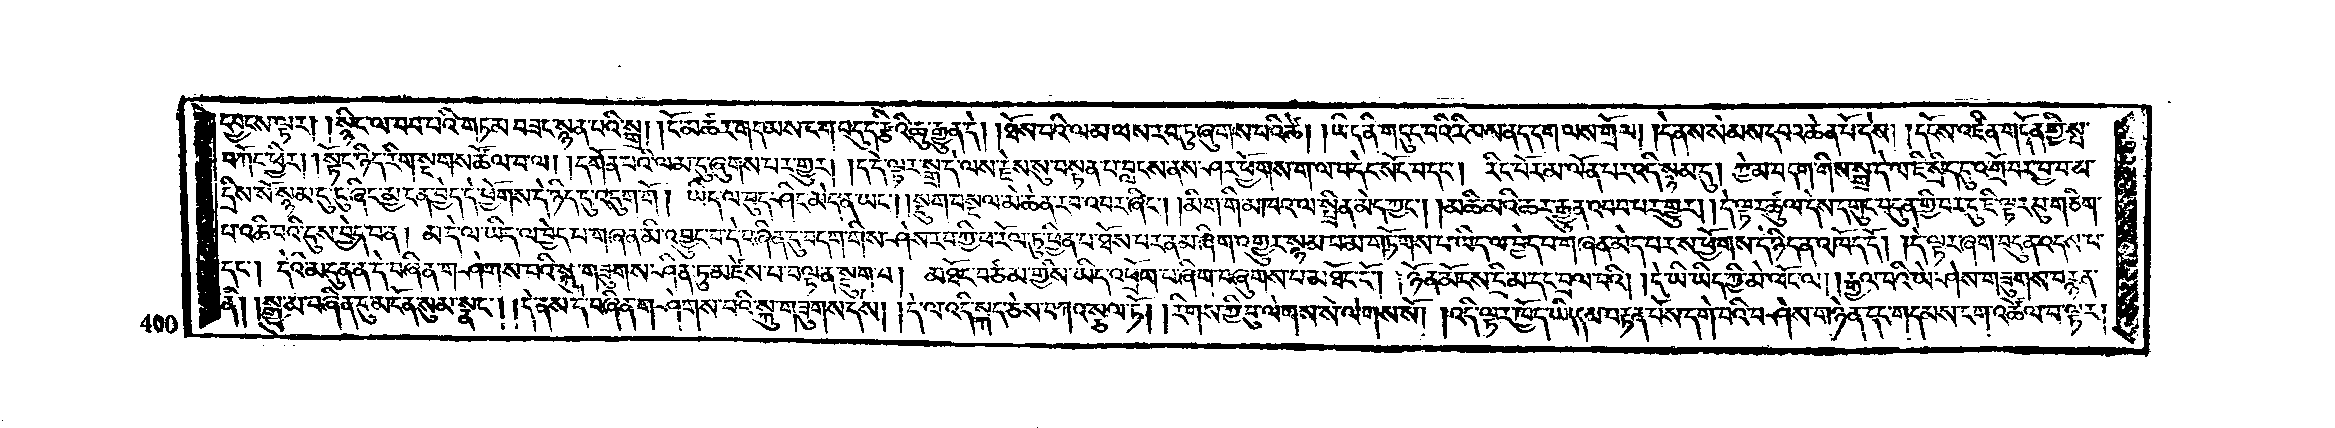དབྱངས་ལྟར། །སྙིང་ལ་བབ་པའི་གཏམ་བཟང་སྙན་པའི་སྒྲ། །ངོ་མཚར་གདམས་ངག་བདུད་རྩིའི་ཆུ་རྒྱུན་དེ། །ཐོས་པའི་ལམ་ལས་རབ་ཏུ་ཞུགས་པའི་ཚེ། །ཡིད་ནི་གདུང་བའི་རིམས་ནད་དག་ལས་གྲོལ། །དེ་ནས་སེམས་དཔའ་ཆེན་པོ་དེས། །དངོས་འཛིན་གདོན་གྱི་སྤ་
བཀོང་ཕྱིར། །སྟོང་ཉིད་རིག་སྔགས་ཚོལ་བ་ལ། །དགོན་པའི་ལམ་དུ་ཞུགས་པར་གྱུར། །ད་དེ་ལྟར་སྒྲ་དེ་ལས་རྗེས་སུ་བསྟན་པ་བླངས་ནས་ཤར་ཕྱོགས་ག་ལ་བ་དེར་སོང་བ་དང་། རིང་པོར་མ་ལོན་པར་འདི་སྙམ་དུ། ཀྱེ་མ་བདག་གིས་སྒྲ་དེ་ལ་ཇི་སྲིད་དུ་འགྲོ་བར་བྱ་བ་མ་
དྲིས་སོ་སྙམ་དུ་དུ་ཞིང་མྱ་ངན་བྱེད་དེ་ཕྱོགས་དེ་ཉིད་དུ་འདུག་གོ། ཡིད་ལ་བུད་ཤིང་མེད་ན་ཡང་། །སྡུག་བསྔལ་མེ་ཆེན་རབ་འབར་ཞིང་། །མིག་གི་མཁའ་ལ་སྤྲིན་མེད་ཀྱང་། །མཆི་མའི་ཆར་རྒྱུན་འབབ་པར་གྱུར། །དེ་ལྟར་ཚུལ་དེས་དགུང་བདུན་གྱི་བར་དུ་ཇི་ལྟར་བུ་གཅིག་
པ་འཆི་བའི་དུས་བྱེད་པ་ན། མ་དེ་ལ་ཡིད་ལ་བྱེད་པ་གཞན་མི་འབྱུང་བ་དེ་བཞིན་དུ་བདག་གིས་ཤེས་རབ་ཀྱི་ཕ་རོལ་ཏུ་ཕྱིན་པ་ཐོས་པར་ནམ་ཞིག་འགྱུར་སྙམ་པ་མ་གཏོགས་པ་ཡིད་ལ་བྱེད་པ་གཞན་མེད་པར་ས་ཕྱོགས་དེ་ཉིད་ན་འཁོད་དོ། །དེ་ལྟར་ཞག་བདུན་འདས་པ་
དང་། དེའི་མདུན་ན་དེ་བཞིན་གཤེགས་པའི་སྐུ་གཟུགས་ཤིན་ཏུ་མཛེས་པ་བལྟ་ན་སྡུག་པ། མཐོང་བ་ཙམ་གྱིས་ཡིད་འཕྲོག་པ་ཞིག་བཞུགས་པ་མཐོང་ངོ། །ཉོན་མོངས་དྲི་མ་དང་བྲལ་བའི། །དེ་ཡི་ཡིད་ཀྱི་མེ་ལོང་ལ། །རྒྱལ་བའི་ཡེ་ཤེས་གཟུགས་བརྙན་
ནི། །སྒྱུ་མ་བཞིན་དུ་མངོན་སུམ་སྣང་། །དེ་ནས་དེ་བཞིན་གཤེགས་པའི་སྐུ་གཟུགས་དེས། །དེ་ལ་འདི་སྐད་ཅེས་བཀའ་སྩལ་ཏོ། །རིགས་ཀྱི་བུ་ལེགས་སོ་ལེགས་སོ། །འདི་ལྟར་ཁྱོད་ཡི་དམ་བརྟན་པོས་དགེ་བའི་བཤེས་གཉེན་དང་གདམས་ངག་འཚོལ་བ་ལྟར།